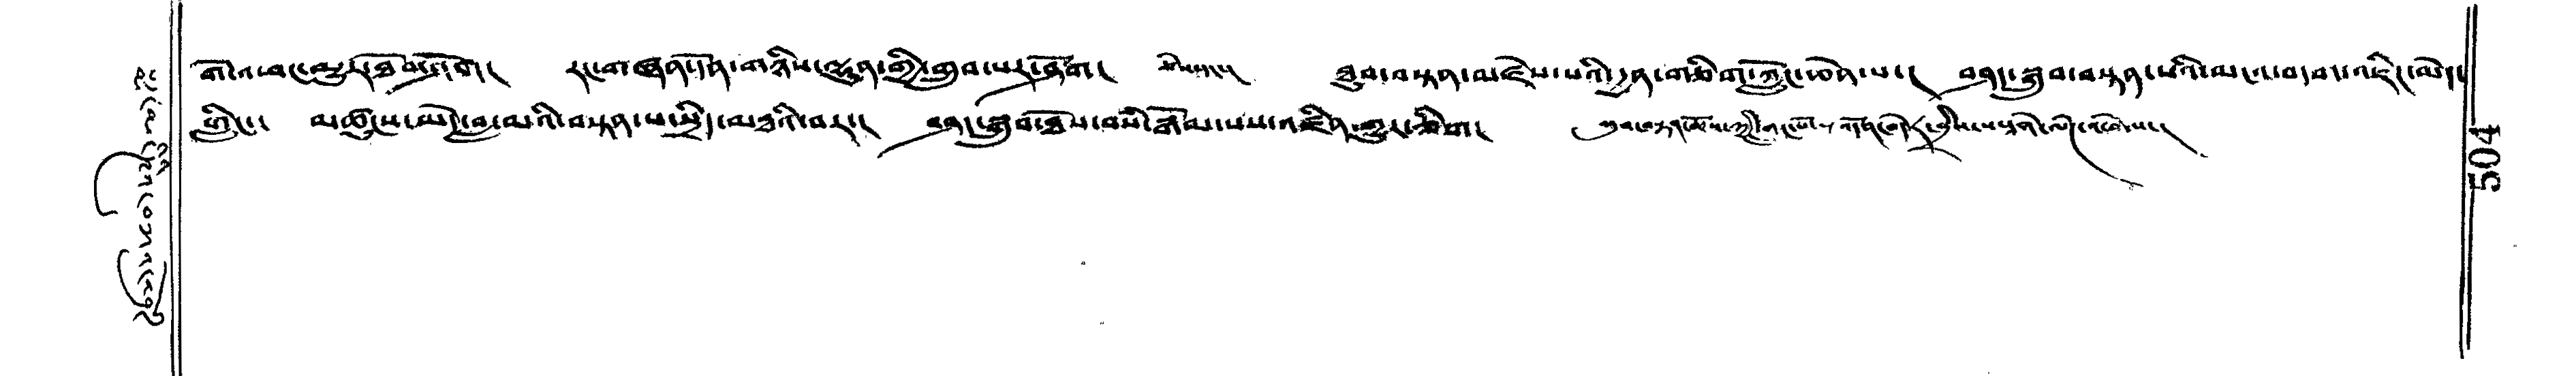གོ་འཕང་མྱུར་ཐོབ་ཤོག །རང་གཞན་དོན་གཉིས་ལྷུན་གྱིས་གྲུབ་པར་ཤོག ཅེས་དང་། ཐུབ་བསྟན་མཛེས་པའི་རྒྱན་གཅིག་ཀློང་ཆེན་པ། །བཤད་སྒྲུབ་བསྟན་པའི་མངའ་བདག་འཇིགས་མེད་
གླིང་། །མཚུངས་མེད་བླ་མའི་བསྟན་པ་སྲིད་མཐའི་བར། །བཤད་སྒྲུབ་ཐོས་བསམ་སྒོམ་པས་འཛིན་གྱུར་ཅིག ཀུན་བསྟན་ཆོས་ཀྱི་གླང་པོས་འདོན་བདེར་བྲིས་པ་དགེ་ལེགས་འཕེལ།། བཀྲ་ཤིས།།